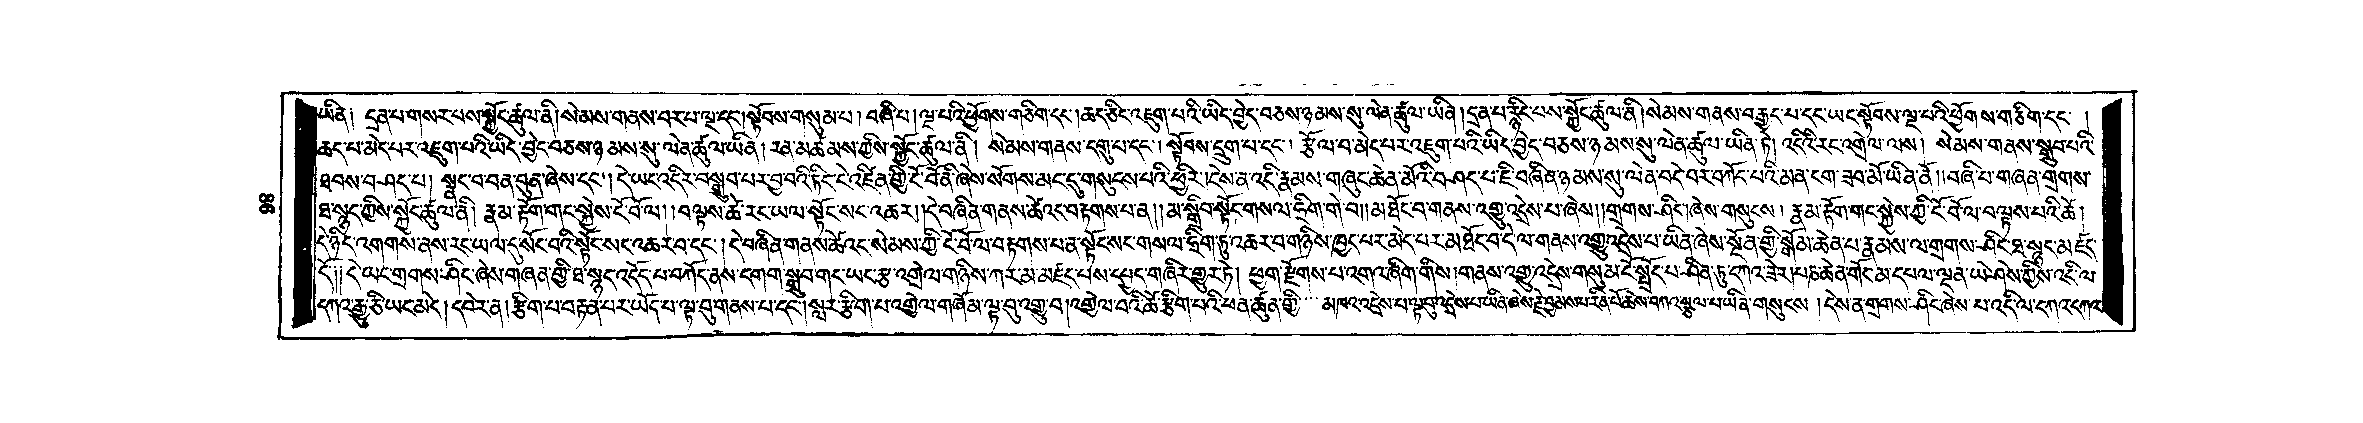ཡིན། དྲན་པ་གསར་པས་སྐྱོང་ཚུལ་ནི། སེམས་གནས་བར་པ་ལྔ་དང་། སྟོབས་གསུམ་པ། བཞི་པ། ལྔ་པའི་ཕྱོགས་གཅིག་དང་། ཆད་ཅིང་འཇུག་པའི་ཡིད་བྱེད་བཅས་ཉམས་སུ་ལེན་ཚུལ་ཡིན། དྲན་པ་རྙིང་པས་སྐྱོང་ཚུལ་ནི། སེམས་གནས་བརྒྱད་པ་དང་ཡང་སྟོབས་ལྔ་པའི་ཕྱོགས་གཅིག་དང་།
ཆད་པ་མེད་པར་འཇུག་པའི་ཡིད་བྱེད་བཅས་ཉམས་སུ་ལེན་ཚུལ་ཡིན། རན་མཚམས་ཀྱིས་སྐྱོང་ཚུལ་ནི། སེམས་གནས་དགུ་པ་དང་། སྟོབས་དྲུག་པ་དང་། རྩོལ་བ་མེད་པར་འཇུག་པའི་ཡིད་བྱེད་བཅས་ཉམས་སུ་ལེན་ཚུལ་ཡིན་ཏེ། འདིའི་རང་འགྲེལ་ལས། སེམས་གནས་སྒྲུབ་པའི་
ཐབས་བཤད་པ། སྣང་བ་བན་བུན་ཞེས་དང་། དེ་ཡང་འདིར་བསྒྲུབ་པར་བྱ་བའི་ཏིང་ངེ་འཛིན་གྱི་ངོ་བོ་ནི་ཞེས་སོགས་མང་དུ་གསུངས་པའི་ཕྱིར། དེས་ན་འདི་རྣམས་གཞུང་ཆེན་མོའི་བཤད་པ་ཇི་བཞིན་ཉམས་སུ་ལེན་བདེ་བར་བཀོད་པའི་མན་ངག་ཟབ་མོ་ཡིན་ནོ། །བཞི་པ་གཞན་གྲགས་
ཐ་སྙད་ཀྱིས་སྐྱོང་ཚུལ་ནི། རྣམ་རྟོག་གང་སྐྱེས་ངོ་བོ་ལ། །བལྟས་ཚེ་རང་ཡལ་སྟོང་སང་འཆར། །དེ་བཞིན་གནས་ཚེའང་བརྟགས་པ་ན། །མ་སྒྲིབ་སྟོང་གསལ་ཧྲིག་གེ་བ། །མཐོང་བ་གནས་འགྱུ་འདྲེས་པ་ཞེས། །གྲགས་ཤིང་། ཞེས་གསུངས། རྣམ་རྟོག་གང་སྐྱེས་ཀྱི་ངོ་བོ་ལ་བལྟས་པའི་ཚེ།
དེ་ཉིད་འགགས་ནས་རང་ཡལ་དུ་སོང་བའི་སྟོང་སང་འཆར་བ་དང་། དེ་བཞིན་གནས་ཚེའང་སེམས་ཀྱི་ངོ་བོ་ལ་བརྟགས་པ་ན་སྟོང་སང་གསལ་ཧྲིག་ཏུ་འཆར་བ་གཉིས་ཁྱད་པར་མེད་པར་མཐོང་བ་དེ་ལ་གནས་འགྱུར་འདྲེས་པ་ཡིན་ཞེས་སྔོན་གྱི་སྒོམ་ཆེན་པ་རྣམས་ལ་གྲགས་ཤིང་ཐ་སྙད་མཛད་
དོ། །དེ་ཡང་གྲགས་ཤིང་ཞེས་གཞན་གྱི་ཐ་སྙད་འདོད་པ་བཀོད་ནས་དགག་སྒྲུབ་གང་ཡང་རྩ་འགྲེལ་གཉིས་ཀར་མ་མཛད་པས་དཔྱད་གཞིར་གྱུར་ཏེ། ཕྱག་རྫོགས་པ་འགའ་ཞིག་གིས། གནས་འགྱུ་འདྲེས་གསུམ་ངོ་སྤྲོད་པ་ཤིན་ཏུ་དཀའ་ཟེར། པཎ་ཆེན་གོང་མ་དཔལ་ལྡན་ཡེ་ཤེས་ཀྱིས་འདི་ལ་
དཀའ་རྒྱུ་ཅི་ཡང་མེད། དཔེར་ན། རྩིག་པ་བརྟན་པར་ཡོད་པ་ལྟ་བུ་གནས་པ་དང་། སླར་རྩིག་པ་འགྱེལ་གཞོམ་ལྟ་བུ་འགྱུ་བ། འགྱེལ་བའི་ཚེ་རྩིག་པའི་ཕན་ཚུན་གྱི་མཁའ་འདྲེས་པ་ལྟ་བུ་འདྲེས་པ་ཡིན་ཞེས་རྗེ་བྱམས་པ་རིན་པོ་ཆེས་བཀའ་སྩལ་པ་ཡིན་གསུངས། དེས་ན་གྲགས་ཤིང་ཞེས་པ་འདི་ལ་དཀའ་དཀའ་